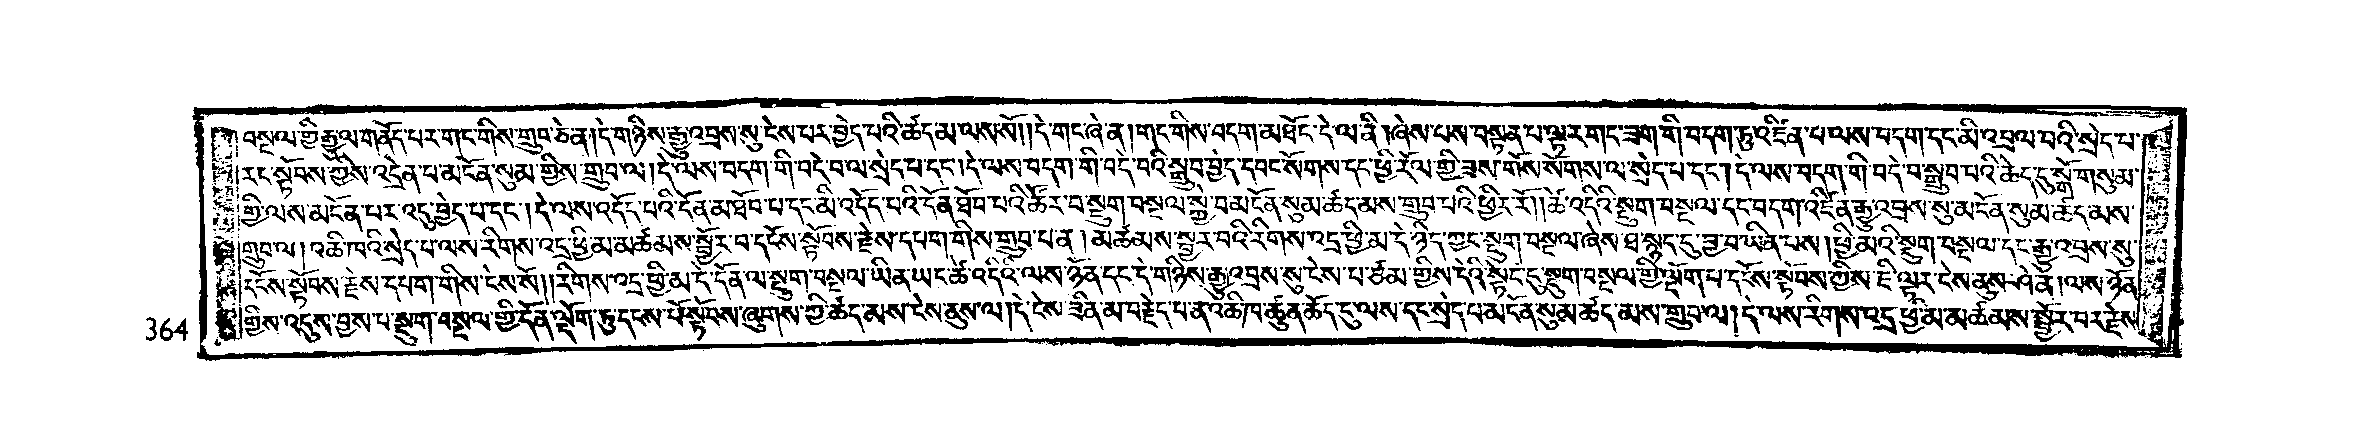བསྔལ་གྱི་རྒྱུ་ལ་གནོད་པར་གང་གིས་གྲུབ་ཅེ་ན། དེ་གཉིས་རྒྱུ་འབྲས་སུ་ངེས་པར་བྱེད་པའི་ཚད་མ་ལས་སོ། །དེ་གང་ཞེ་ན། གང་གིས་བདག་མཐོང་དེ་ལ་ནི། ཞེས་པས་བསྟན་པ་ལྟར་གང་ཟག་གི་བདག་ཏུ་འཛིན་པ་ལས་བདག་དང་མི་འབྲལ་བའི་སྲེད་པ་
རང་སྟོབས་ཀྱིས་འདྲེན་པ་མངོན་སུམ་གྱིས་གྲུབ་ལ། དེ་ལས་བདག་གི་བདེ་བ་ལ་སྲེད་པ་དང་། དེ་ལས་བདག་གི་བདེ་བའི་སྒྲུབ་བྱེད་དབང་སོགས་དང་ཕྱི་རོལ་གྱི་ཟས་གོས་སོགས་ལ་སྲེད་པ་དང་། དེ་ལས་བདག་གི་བདེ་བ་སྒྲུབ་པའི་ཆེད་དུ་སྒོ་གསུམ་
གྱི་ལས་མངོན་པར་འདུ་བྱེད་པ་དང་། དེ་ལས་འདོད་པའི་དོན་མ་ཐོབ་པ་དང་མི་འདོད་པའི་དོན་ཐོབ་པའི་ཚོར་བ་སྡུག་བསྔལ་སྐྱེ་བ་མངོན་སུམ་ཚད་མས་གྲུབ་པའི་ཕྱིར་རོ། །ཚེ་འདིའི་སྡུག་བསྔལ་དང་བདག་འཛིན་རྒྱུ་འབྲས་སུ་མངོན་སུམ་ཚད་མས་
གྲུབ་ལ། འཆི་ཁའི་སྲེད་པ་ལས་རིགས་འདྲ་ཕྱི་མ་མཚམས་སྦྱོར་བ་དངོས་སྟོབས་རྗེས་དཔག་གིས་གྲུབ་པ་ན། མཚམས་སྦྱར་བའི་རིགས་འདྲ་ཕྱི་མ་དེ་ཉིད་ཀྱང་སྡུག་བསྔལ་ཞེས་ཐ་སྙད་དུ་བྱ་བ་ཡིན་པས། ཕྱི་མའི་སྡུག་བསྔལ་དང་རྒྱུ་འབྲས་སུ་
དངོས་སྟོབས་རྗེས་དཔག་གིས་ངེས་སོ། །རིགས་འདྲ་ཕྱི་མ་དེ་དོན་ལ་སྡུག་བསྔལ་ཡིན་ཡང་ཚེ་འདིའི་ལས་ཉོན་དང་དེ་གཉིས་རྒྱུ་འབྲས་སུ་ངེས་པ་ཙམ་གྱིས་དེའི་སྟེང་དུ་སྡུག་བསྔལ་གྱི་ལྡོག་པ་དངོས་སྟོབས་ཀྱིས་ཇི་ལྟར་ངེས་ནུས་ཤེ་ན། ལས་ཉོན་
གྱིས་འདུས་བྱས་པ་སྡུག་བསྔལ་གྱི་དོན་ལྡོག་ཏུ་དངོས་པོ་སྟོབས་ཞུགས་ཀྱི་ཚད་མས་ངེས་ནུས་ལ། དེ་ངེས་ཟིན་མ་བརྗེད་པ་ན་འཆི་ཁ་ཚུན་ཆོད་དུ་ལས་དང་སྲེད་པ་མངོན་སུམ་ཚད་མས་གྲུབ་ལ། དེ་ལས་རིགས་འདྲ་ཕྱི་མ་མཚམས་སྦྱོར་བར་རྗེས་